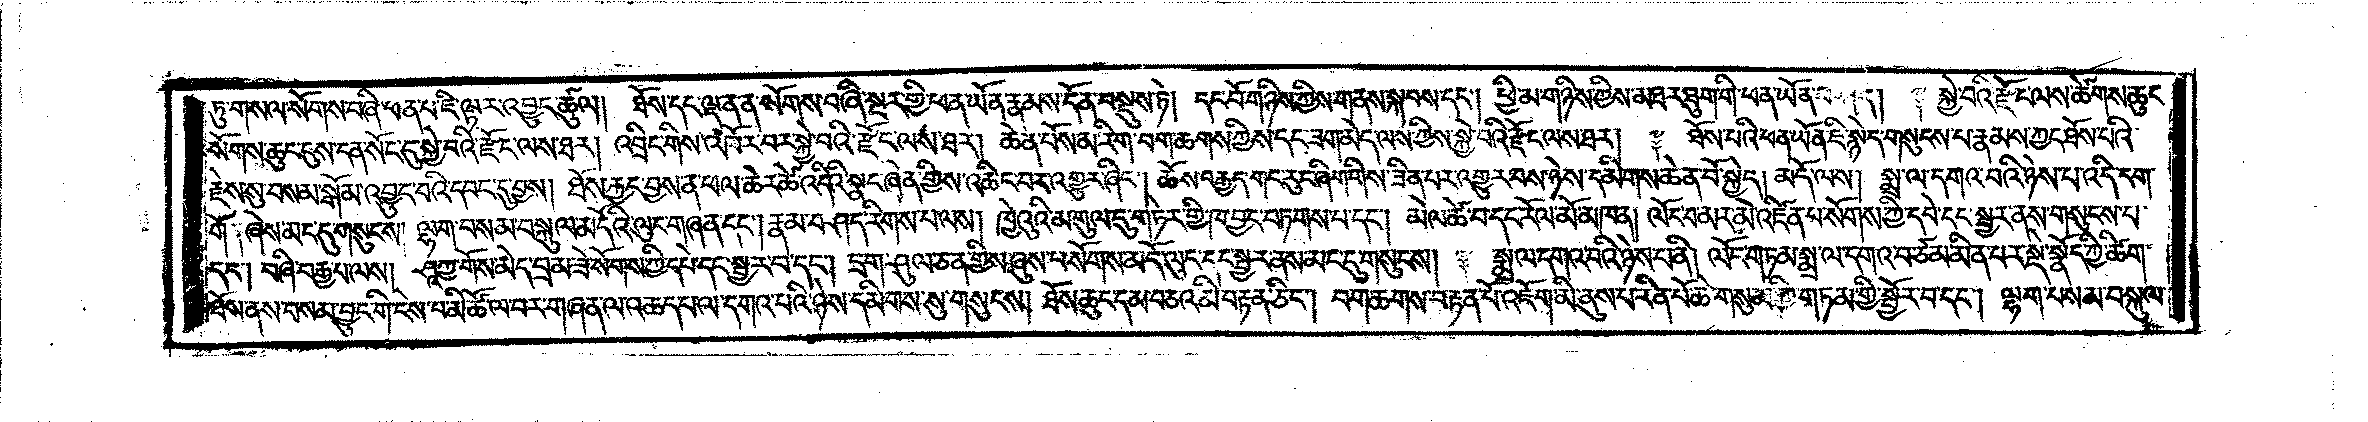ཏུ་གསལ་སོགས་བཞི་ཕན་པ་ཇི་ལྟར་འབྱུང་ཚུལ། ཐོས་དང་ལྡན་ན་སོགས་བཞི་སྔར་གྱི་ཕན་ཡོན་རྣམས་དོན་བསྡུས་ཏེ། དང་པོ་གཉིས་ཀྱིས་གནས་སྐབས་དང་། ཕྱི་མ་གཉིས་ཀྱིས་མཐར་ཐུག་གི་ཕན་ཡོན་བཤད། ༈ སྐྱེ་བའི་རྫོང་ལས་ཚེགས་ཆུང་
སོགས་ཆུང་ངུས་ངན་སོང་དུ་སྐྱེ་བའི་རྫོང་ལས་ཐར། འབྲིང་གིས་འཁོར་བར་སྐྱེ་བའི་རྫོང་ལས་ཐར། ཆེན་པོས་མ་རིག་བག་ཆགས་ཀྱིས་དང་ཟག་མེད་ལས་ཀྱིས་སྐྱེ་བའི་རྫོང་ལས་ཐར། ༈ ཐོས་པའི་ཕན་ཡོན་ཇི་སྙེད་གསུངས་པ་རྣམས་ཀྱང་ཐོས་པའི་
རྗེས་སུ་བསམ་སྒོམ་འབྱུང་བའི་དབང་དུ་བྱས། ཐོས་རྐྱང་བྱས་ན་ཕལ་ཆེར་ཚེ་འདིའི་སྣང་ཞེན་གྱིས་འཆིང་བར་འགྱུར་ཞིང་། ཆོས་བརྒྱད་གང་རུང་ཞིག་གིས་ཟིན་པར་འགྱུར་བས་ཉེས་དམིགས་ཆེན་པོ་སྐྱེད། མདོ་ལས། སྨྲ་ལ་དགའ་བའི་ཉེས་པ་འདི་དག་
གོ༑ ཞེས་མང་དུ་གསུངས། ལྷག་བསམ་བསྐུལ་མདོའི་ལུང་གཞན་དང་། རྣམ་བཤད་རིགས་པ་ལས། ཁྱེའུའི་མགུལ་དུ་གཏེར་གྱི་ཁ་བྱང་བཏགས་པ་དང་། མེལ་ཚེ་བ་དང་རོལ་མོ་མཁན། ལོང་བ་མར་མེ་འཛིན་པ་སོགས་ཀྱི་དཔེ་དང་སྦྱར་ནས་གསུངས་པ་
དང་། བཞི་བརྒྱ་པ་ལས། ཤཱཀྱ་གོས་མེད་བྲམ་ཟེ་སོགས་ཀྱི་དཔེ་དང་སྦྱར་བ་དང་། དྲག་ཤུལ་ཅན་གྱིས་ཞུས་པ་སོགས་མདོ་ལུང་དང་སྦྱར་ནས་མང་དུ་གསུངས། ༈ སྨྲ་ལ་དགའ་བའི་ཉེས་པ་ནི། ལོང་གཏམ་སྨྲ་ལ་དགའ་བ་ཙམ་མིན་པར་སྡེ་སྣོད་ཀྱི་ཚིག་
ཐོས་ནས་བསམ་བྱུང་གི་ངེས་པ་མི་ཚོལ་བར་གཞན་ལ་འཆད་པ་ལ་དགའ་བའི་ཉེས་དམིགས་སུ་གསུངས། ཐོས་ཆུང་དམ་བཅའ་མི་བརྟན་ཅིང་། བག་ཆགས་བརྟན་པོ་འཇིག་མི་ནུས་པ་རིན་པོ་ཆེ་གསུམ་གྱི་གཏམ་གྱི་སྦྱོར་བ་དང་། ལྷག་བསམ་བསྐུལ་